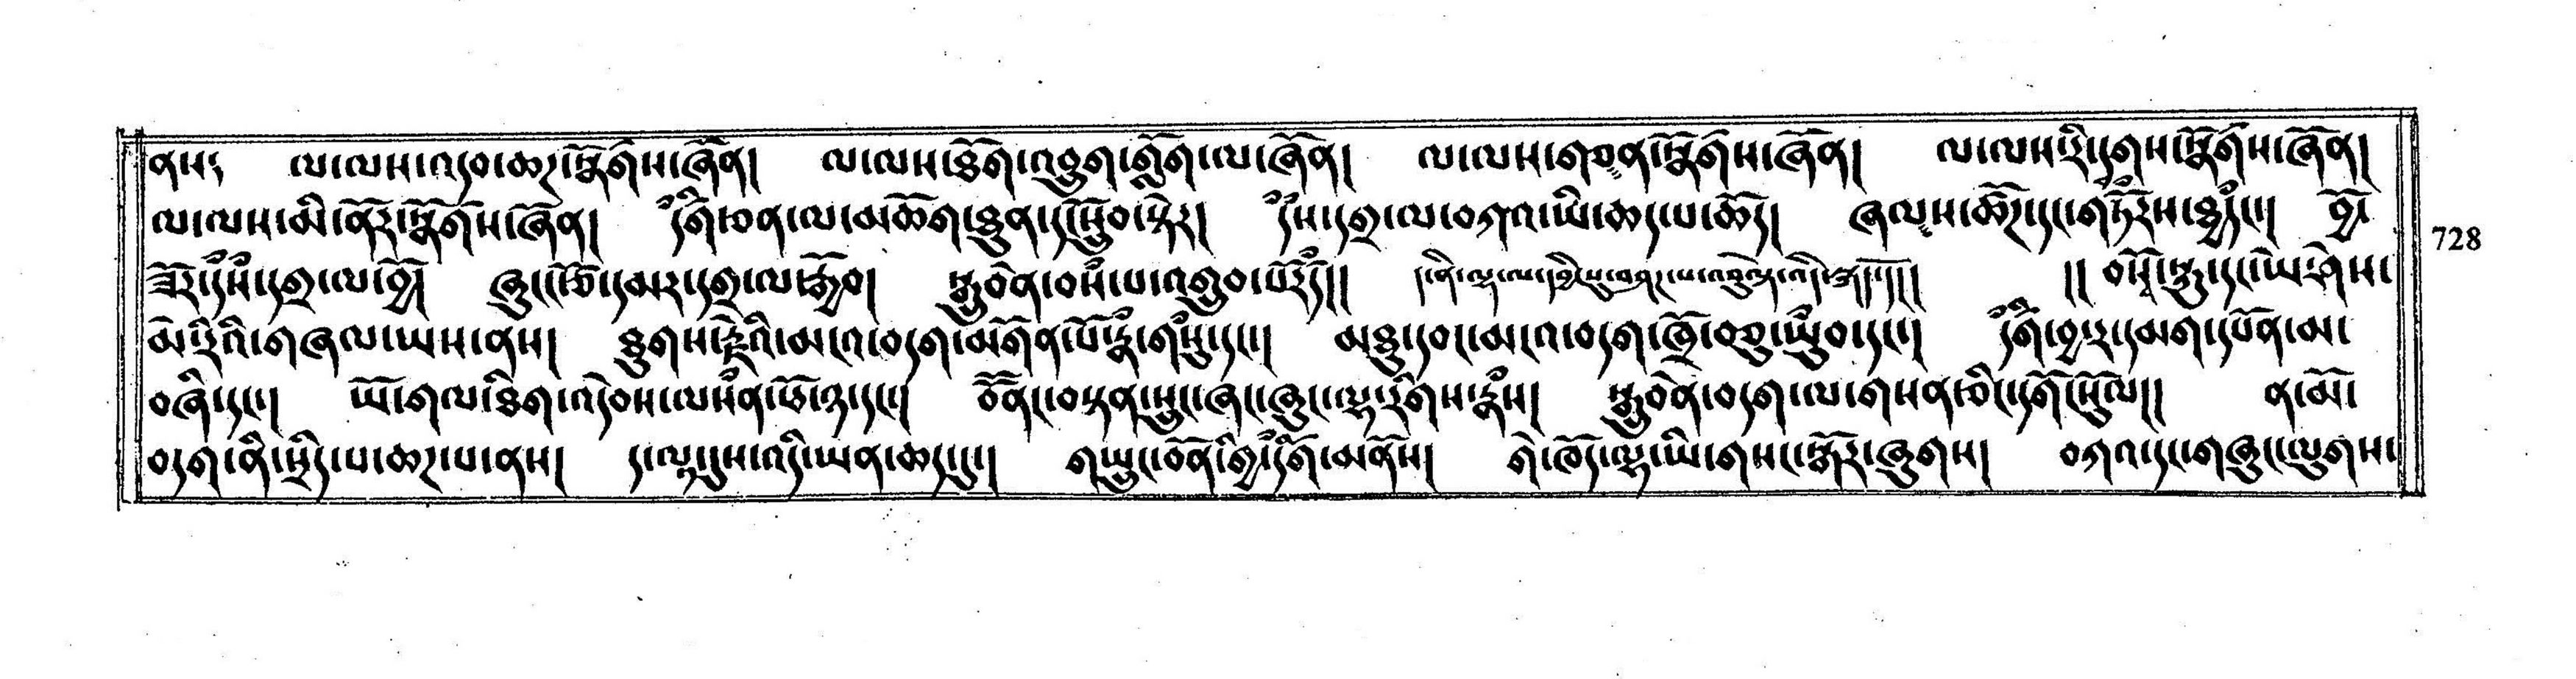ནས། ལ་ལས་འདབ་ཆགས་སྣ་ཚོགས་ཞོན། ལ་ལས་ཐོག་འབྲུག་གློག་ལ་ཞོན། ལ་ལས་གཅན་གཟན་སྣ་ཚོགས་ཞོན། ལ་ལས་རི་དྭགས་སྣ་ཚོགས་ཞོན། 
ལ་ལས་མི་ནོར་སྣ་ཚོགས་ཞོན། དམ་ཚིག་ཅན་ལ་མཆོག་ཐུན་དངོས་གྲུབ་སྟེར། དམ་ཉམས་དགྲ་ལ་བཀའ་ཡི་ཆད་པ་ཆོད། ཞལ་ཟས་ཚོགས་དང་གཏོར་མས་ཐུགས་དམ་བསྐང་། བྱོ་
ཟོར་དམ་ཉམས་དགྲ་ལ་བྱོ། ཞང་ཞུང་ཙོ་དམར་དགྲ་ལ་རྒྱོབས། སྒྲུབ་གཤེན་བསམ་པ་འགྲུབ་པར་མཆོད། ད་ནི་ལྷ་ལ་དབྱིངས་སུ་བཤགས་པ་འབུལ་སྟེ་འདི་སྐད་དོ།། །།བསྭོ་སྐུ་དང་ཡེ་ཤེས་
མེ་རིའི་གཞལ་ཡས་ནས། ཐུགས་རྗེའི་མངའ་བདག་མགོན་པོ་རྣམ་གསུམ་དང་། མཐུ་དབང་མངའ་བདག་ཁྲོ་བཅུ་ཡབ་ཡུམ་དང་། དམ་ཚིག་བྱ་ར་དམག་དཔོན་མ་
བཞི་དང་། ཡོ་གལ་ཐིག་འདེབས་ལས་མཁན་ཕོ་ཉ་དང་། བོན་སྐྱོངས་བསྟན་སྲུང་ཞང་ཞུང་ལྷ་རིགས་རྣམས། སྒྲུབ་གཤེན་བདག་ལ་གསན་ཅིང་དགོངས་སུ་གསོལ།། ན་མོ་
བདག་ནི་སྲིད་པ་ཆགས་པ་ནས། ད་ལྟ་དུས་འདི་ཡན་ཆད་དུ། གཡུང་དྲུང་བོན་གྱི་དམ་ཚིག་མནོས། གེ་ཁོད་ལྷ་ཡི་གསང་སྒོར་ཞུགས། བཀའ་དང་གཞུང་ལུགས་